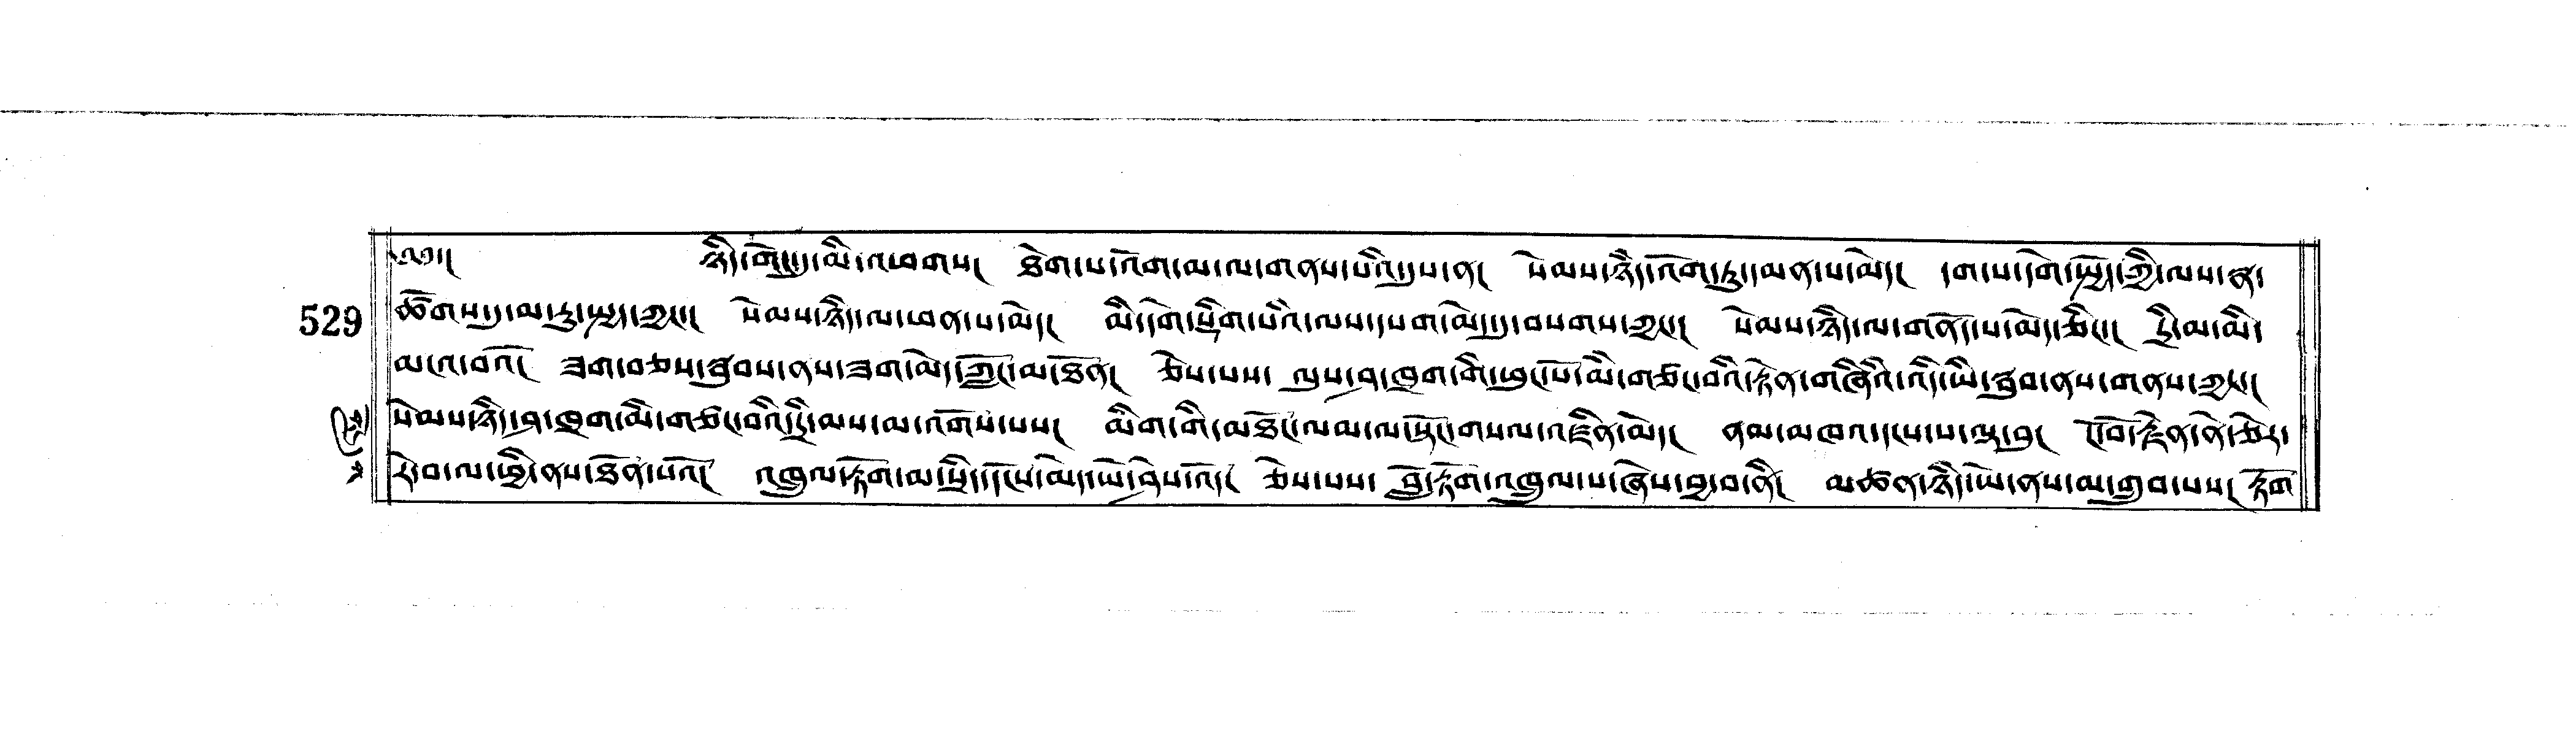ཉིད་གོང་དུ་མི་འཕགས། ཐེག་པ་འོག་མ་ལ་གནས་པའི་དུས་ན། སེམས་ཉིད་འོག་ཏུ་དམན་པ་མེད། དག་པ་དགེ་སྤྱོད་ཀྱི་ལས་སྣ་
ཚོགས་དུ་མ་རུ་སྤྱད་ཀྱང་། སེམས་ཉིད་ལ་ཕན་པ་མེད། མི་དགེ་སྡིག་པའི་ལས་དཔག་མེད་དུ་བསགས་ཀྱང་། སེམས་ཉིད་ལ་གནོད་པ་མེད་ཅིང་། དྲི་མ་མི་
མངའ་བའོ། ཟག་བཅས་སྦུབས་ནས་ཟག་མེད་ཀློང་ལ་ཐོན། ཅེས་པས། ལུས་ཤ་ཁྲག་གི་ཕུང་པོ་མི་གཙང་བའི་རྟེན་གཞི་འདི་ཡི་སྦུབས་ནས་གནས་ཀྱང་། 
སེམས་ཉིད་ཤ་ཁྲག་མི་གཙང་བའི་དྲི་མས་མ་འགོས་པས། མིག་གི་མཐོང་ལམ་ལ་སྟོང་གསལ་འཛིན་མེད། ནམ་མཁའ་དངས་པ་ལྟ་བུ། ངོ་བོ་རྗེན་ནེ་གཅེར་
རེ་བ་ལ་ཕྱི་ནས་ཐོན་པའོ། འཁྲུལ་རྟོག་མ་སྲིད་དངོས་མེད་ཡེ་ཤེས་འོད། ཅེས་པས། བློ་རྟོག་འཁྲུལ་པ་ཞེས་བྱ་བ་ནི། མཚན་ཉིད་ཡེ་ནས་མ་གྲུབ་པས། རྟོག་